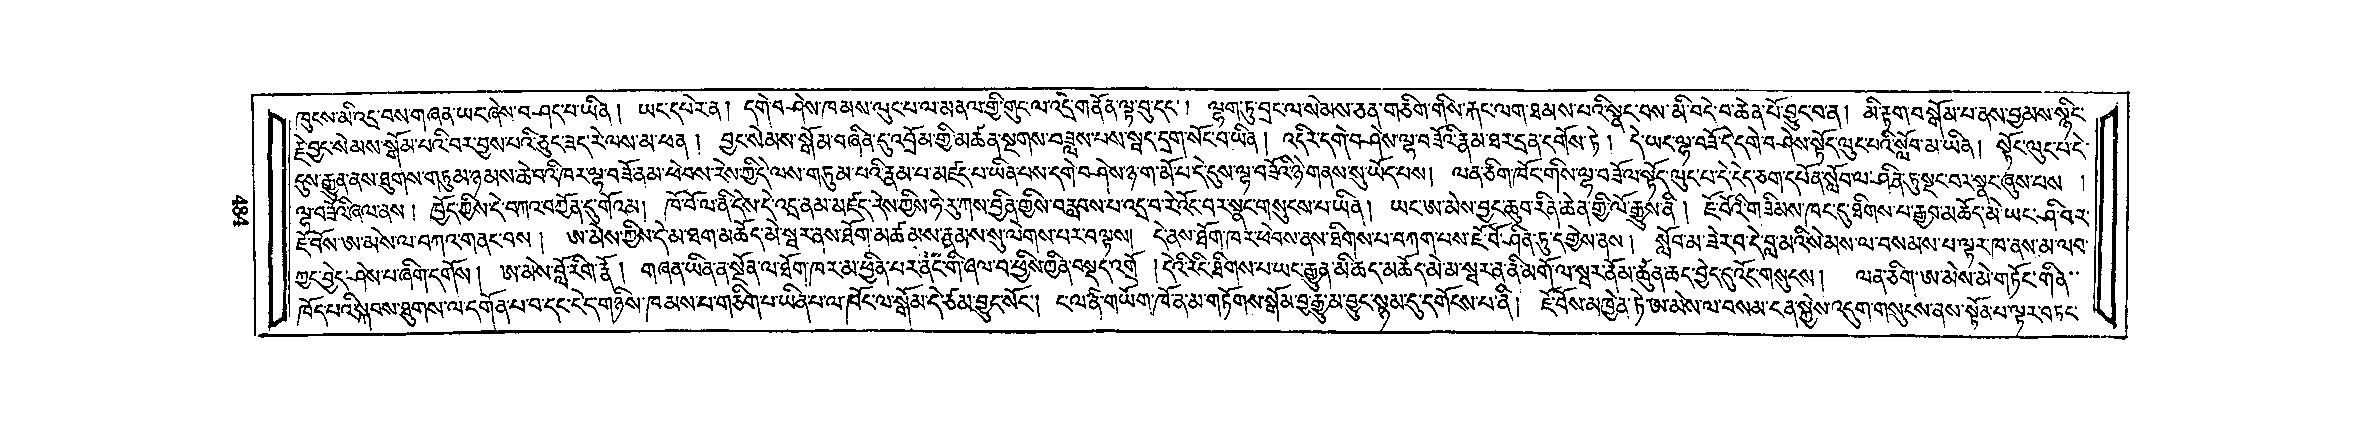ཁུངས་མི་འདྲ་བས་གཞན་ཡང་ཞེས་བཤད་པ་ཡིན། ཡང་དཔེར་ན། དགེ་བཤེས་ཁམས་ལུང་པ་ལ་མནལ་གྱི་གུང་ལ་འདྲེ་གནོན་ལྟ་བུ་དང་། ལྷག་ཏུ་བྲང་ལ་སེམས་ཅན་གཅིག་གིས་རྐང་ལག་ཐམས་པའི་སྣང་བས་མི་བདེ་བ་ཆེན་པོ་བྱུང་བ་ན། མི་རྟག་བསྒོམ་པ་ནས་བྱམས་སྙིང་
རྗེ་བྱང་སེམས་སྒོམ་པའི་བར་བྱས་པའི་ཅུང་ཟད་རེ་ལས་མ་ཕན། བྱང་སེམས་སྒོམ་བཞིན་དུ་འབྲོམ་གྱི་མཚན་སྔགས་བཟླས་པས་སྦད་དྲག་སོང་བ་ཡིན། འདིར་དགེ་བཤེས་ལྷ་བཟོའི་རྣམ་ཐར་དྲན་དགོས་ཏེ། དེ་ཡང་ལྷ་བཟོ་དེ་དགེ་བཤེས་སྟོད་ལུང་པའི་སློབ་མ་ཡིན། སྟོང་ལུང་པ་དེ་
དུས་རྒྱུན་ནས་ཐུགས་གཏུམ་ཉམས་ཆེ་བའི་ཁར་ལྷ་བཟོ་ནམ་ཕེབས་རེས་ཀྱི་དེ་ལས་གཏུམ་པའི་རྣམ་པ་མཛད་པ་ཡིན་པས་དགེ་བཤེས་ཉ་ག་མོ་པ་དེ་དུས་ལྷ་བཟོའི་ཉེ་གནས་སུ་ཡོད་པས། ལན་ཅིག་ཁོང་གིས་ལྷ་བཟོ་ལ་སྟོད་ལུང་པ་དེ་ངེད་ཅག་དཔོན་སློབ་ལ་ཤིན་ཏུ་སྡང་བར་སྣང་ཞུས་པས།
ལྷ་བཟོའི་ཞལ་ནས། ཁྱོད་ཀྱིས་དེ་བཀའ་བཀྱོན་དུ་གོའམ། ཁོ་བོ་ལ་ནི་དེས་དེ་འདྲ་ནམ་མཛད་རེས་ཀྱིས་ཧེ་རུ་ཀས་བྱིན་གྱིས་བརླབས་པ་འདྲ་བ་རེ་འོང་བར་སྣང་གསུངས་པ་ཡིན། ཡང་ཨ་མེས་བྱང་ཆུབ་རིན་ཆེན་གྱི་ལོ་རྒྱུས་ནི། ཇོ་བོའི་གཟིམས་ཁང་དུ་ཐིགས་པ་རྒྱབ་མཆོད་མེ་ཡང་ཤི་བར་
ཇོ་བོས་ཨ་མེས་ལ་བཀའ་གནང་བས། ཨ་མེས་ཀྱིས་དེ་མ་ཐག་མཆོད་མེ་སྦར་ནས་ཐོག་མཚམས་རྣམས་སུ་ལེགས་པར་བལྟས། དེ་ནས་ཐོག་ཁར་ཕེབས་ནས་ཐིགས་པ་བཀག་པས་ཇོ་བོ་ཤིན་ཏུ་དགྱེས་ནས། སློབ་མ་ཟེར་བ་དེ་བླ་མའི་སེམས་ལ་བསམས་པ་ལྟར་ཁ་ནས་མ་ལབ་
ཀྱང་བྱེད་ཤེས་པ་ཞིག་དགོས། ཨ་མེས་བློ་རིག་རྣོ། གཞན་ཡིན་ན་སྔོན་ལ་ཐོག་ཁར་མ་ཕྱིན་པར་ནང་གི་ཞལ་བ་ཕྱིས་ཀྱིན་བསྡད་འགྲོ་།དེའི་རིང་ཐིགས་པ་ཡང་རྒྱུན་མི་ཆད་མཆོད་མེ་མ་སྦར་ན་ནི་མགོ་ལ་སྦར་ནོམ་ཚུན་ཆད་བྱེད་དུ་འོང་གསུངས། ལན་ཅིག་ཨ་མེས་མེ་གཏོང་གིན་
ཁོད་པའི་སྐབས་ཐུགས་ལ་དགོན་པ་བ་དང་ངེད་གཉིས་ཁམས་པ་གཅིག་པ་ཡིན་པ་ལ་ཁོང་ལ་སྒོམ་དེ་ཙམ་བྱུང་སོང་། ང་ལ་ནི་གཡོག་ཁོ་ན་མ་གཏོགས་སྒོམ་བྱ་རྒྱུ་མ་བྱུང་སྙམ་དུ་དགོངས་པ་ནི། ཇོ་བོས་མཁྱེན་ཏེ་ཨ་མེས་ལ་བསམ་ངན་སྐྱེས་འདུག་གསུངས་ནས་སྟོན་པ་ལྟར་བཏང་